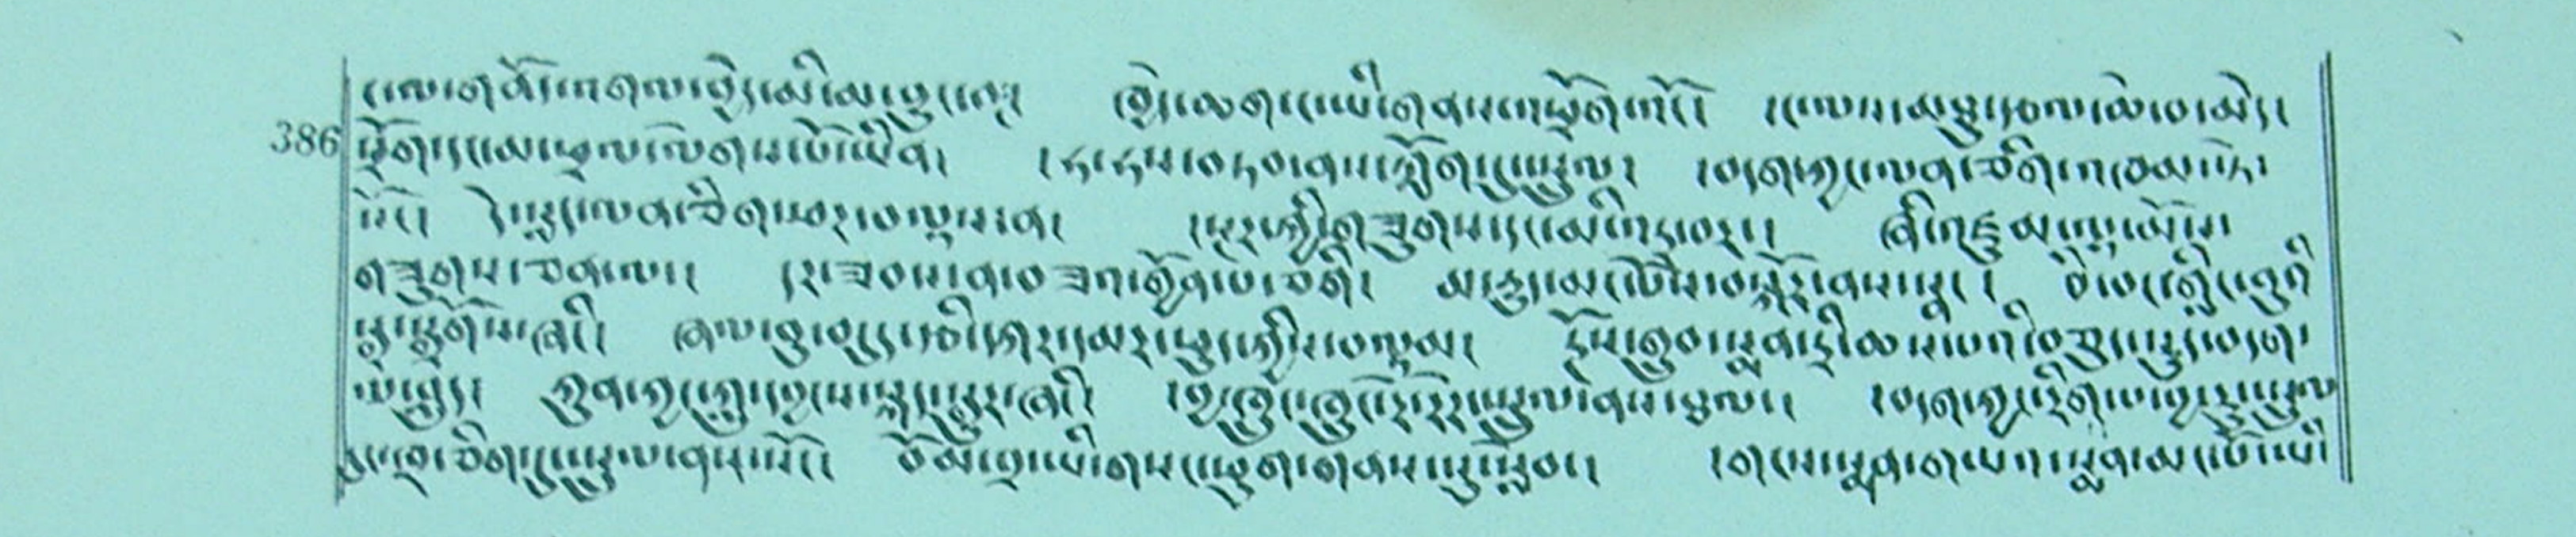ང་ལ་གནོད་འགལ་བྱེད་མི་མ་བྱུང་འང་། ཁྱེད་ཅག་ང་ཡི་གནས་འཕྲོག་འོང་། ང་ལས་མཐུ་རྩལ་ཆེ་བ་མེད། 
སྲོག་དང་མ་ཕྲལ་ལེགས་པོ་ཡིན། ཧ་ཧས་བཏབ་ནས་ཀློག་ཏུ་སྤྲུལ། བདག་ཀྱང་ལན་ཅིག་འཁམ་སྟེ་
སོང་། དེ་སླད་ལན་གཅིག་ཕར་བལྟས་ན། སྔར་གྱི་གཟུགས་དང་མི་འདྲ་བར། ཞི་འཛུམ་ལྷ་མོས་
གཟུགས་ཅན་ལ། དར་ཟབ་ན་བཟའ་གྱོན་པ་ཅིག མ་རྒྱུད་མང་པོས་བསྐོར་ནས་སྣང་། པི་ཝང་གླིང་བུའི་
སྒྲ་སྒྲོགས་ཤིང་། ཞལ་བུ་བདུད་རྩི་དཀར་མངར་ཕུད་ཀྱིས་བལྟམས། རྔོས་གྲུབ་སྨན་དྲི་ཆས་པའི་བཅུད་སྡུད་བདག་
ལ་བླུད། ཀུན་ཀྱང་གླུ་དབྱངས་སྐད་སྒྱུར་ནས། བྱ་ཁྲུང་ཁྲུང་རེ་རེར་སྤྲུལ་ནས་ཐལ། བདག་ཀྱང་རིག་པ་བྱ་རུ་སྤྲུལ། 
དུང་ཁྲ་ཅིག་ཏུ་སྤྲུལ་ནས་སོང་། བོམ་པྲ་ཡི་གསང་ཕུག་གནས་སུ་སླེབ། གངས་སྨན་གཡའ་སྨན་མང་པོ་ཡིས།